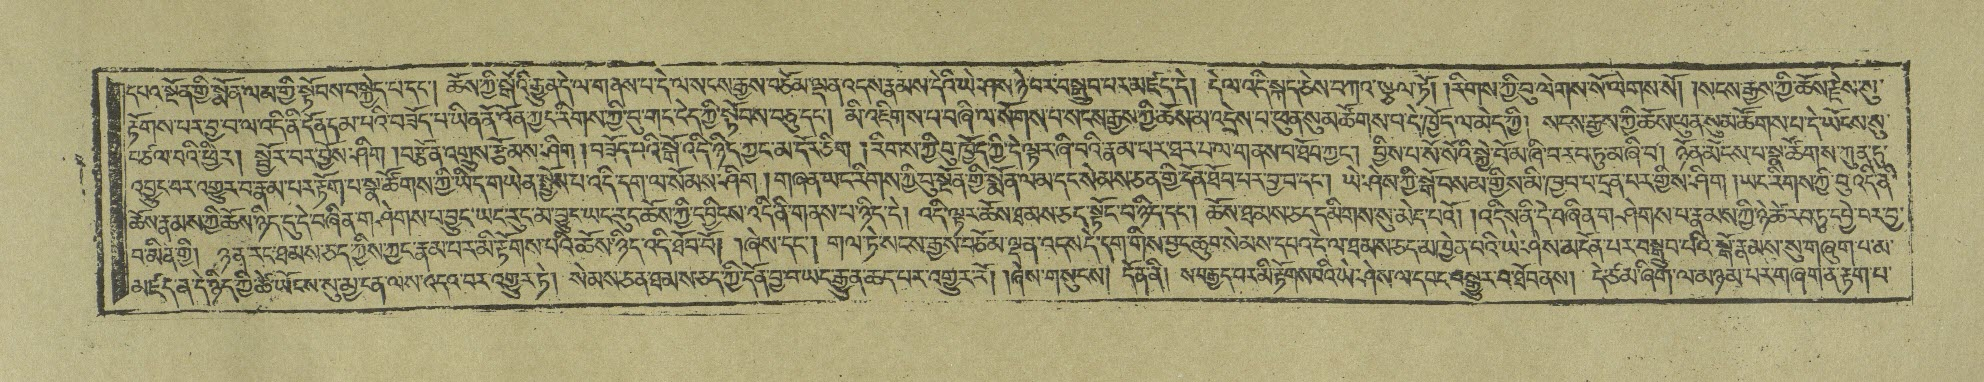དཔའ་སྔོན་གྱི་སྨོན་ལམ་གྱི་སྟོབས་བསྐྱེད་པ་དང་། ཆོས་ཀྱི་སྒོའི་རྒྱུན་དེ་ལ་གནས་པ་དེ་ལ་སངས་རྒྱས་བཅོམ་ལྡན་འདས་རྣམས་དེའི་ཡེ་ཤེས་ཉེ་བར་བསྒྲུབ་པར་མཛད་དེ། དེ་ལ་འདི་སྐད་ཅེས་བཀའ་སྩལ་ཏོ། །རིགས་ཀྱི་བུ་ལེགས་སོ་ལེགས་སོ། །སངས་རྒྱས་ཀྱི་ཆོས་རྗེས་སུ་
རྟོགས་པར་བྱ་བ་ལ་འདི་ནི་དོན་དམ་པའི་བཟོད་པ་ཡིན་ནོ་འོན་ཀྱང་རིགས་ཀྱི་བུ་གང་ངེད་ཀྱི་སྟོབས་བཅུ་དང་། མི་འཇིགས་པ་བཞི་ལ་སོགས་པ་སངས་རྒྱས་ཀྱི་ཆོས་མ་འདྲེས་པ་ཕུན་སུམ་ཚོགས་པ་དེ་ཁྱོད་ལ་མེད་ཀྱི། སངས་རྒྱས་ཀྱི་ཆོས་ཕུན་སུམ་ཚོགས་པ་དེ་ཡོངས་སུ་
བཙལ་བའི་ཕྱིར། སྦྱོར་བར་བྱོས་ཤིག །བརྩོན་འགྲུས་རྩོམས་ཤིག །བཟོད་པའི་སྒོ་འདི་ཉིད་ཀྱང་མ་དོར་ཅིག །རིགས་ཀྱི་བུ་མོ་ཁྱོད་ཀྱི་དེ་ལྟར་ཞི་བའི་རྣམ་པར་ཐར་པ་ལ་གནས་པ་ཐོབ་ཀྱང་། བྱིས་པ་སོ་སོའི་སྐྱེ་བོ་མ་ཞི་བ་རབ་ཏུ་མ་ཞི་བ། ཉོན་མོངས་པ་སྣ་ཚོགས་ཀུན་ཏུ་
འབྱུང་བར་འགྱུར་བ་རྣམ་པར་རྟོག་པ་སྣ་ཚོགས་ཀྱི་ཡིད་གཡེན་སྤྱོས་པ་འདི་དག་ལ་སོམས་ཤིག །གཞན་ཡང་རིགས་ཀྱི་བུ་སྔོན་གྱི་སྨོན་ལམ་དང་སེམས་ཅན་གྱི་དོན་ཐོབ་པར་བྱ་བ་དང་། ཡེ་ཤེས་ཀྱི་སྒོ་བསམ་གྱིས་མི་ཁྱབ་པ་དྲན་པར་གྱིས་ཤིག །ཡང་རིགས་ཀྱི་བུ་འདི་ནི་
ཆོས་རྣམས་ཀྱི་ཆོས་ཉིད་དུ་དེ་བཞིན་གཤེགས་པ་བྱུང་ཡང་རུང་མ་བྱུང་ཡང་རུང་ཆོས་ཀྱི་དབྱིངས་འདི་ནི་གནས་པ་ཉིད་དེ། འདི་ལྟར་ཆོས་ཐམས་ཅད་སྟོང་པ་ཉིད་དང་། ཆོས་ཐམས་ཅད་དམིགས་སུ་མེད་པའོ། །འདིས་ནི་དེ་བཞིན་གཤེགས་པ་རྣམས་ཀྱི་ཉེ་ཚེ་རབ་ཏུ་དབྱེ་བར་བྱ་
བ་མིན་གྱི། ཉན་རང་ཐམས་ཅད་ཀྱིས་ཀྱང་རྣམ་པར་མི་རྟོགས་པའི་ཆོས་ཉིད་འདི་ཐོབ་པོ། །ཞེས་དང་། གལ་ཏེ་སངས་རྒྱས་བཅོམ་ལྡན་འདས་དེ་དག་གིས་བྱང་ཆུབ་སེམས་དཔའ་དེ་ལ་ཐམས་ཅད་མཁྱེན་པའི་ཡེ་ཤེས་མངོན་པར་བསྒྲུབ་པའི་སྒོ་རྣམས་སུ་གཞུག་པ་མ་
མཛད་ན་དེ་ཉིད་ཀྱི་ཚེ་ཡོངས་སུ་མྱ་ངན་ལས་འདའ་བར་འགྱུར་ཏེ། སེམས་ཅན་ཐམས་ཅད་ཀྱི་དོན་བྱ་བ་ཡང་རྒྱུན་ཆད་པར་འགྱུར་རོ། །ཞེས་གསུངས། དོན་ནི། ས་བརྒྱད་པར་མི་རྟོགས་པའི་ཡེ་ཤེས་ལ་དབང་བསྒྱུར་བ་ཐོབ་ནས། དེ་ཙམ་ཞིག་ལ་མཉམ་པར་གཞག་ན་རྟག་པ་